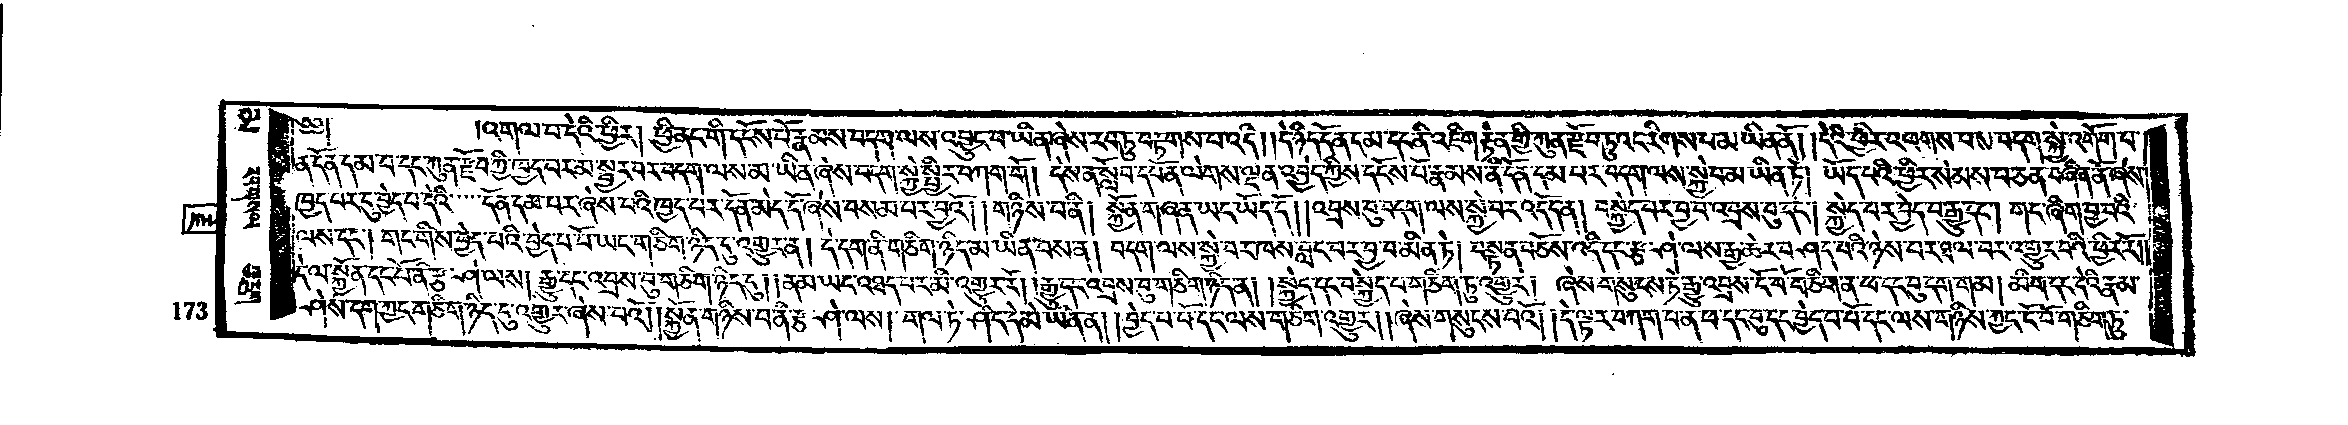༄༅། །འགལ་བ་དེའི་ཕྱིར། ཕྱི་ནང་གི་དངོས་པོ་རྣམས་བདག་ལས་འབྱུང་བ་ཡིན་ཞེས་རབ་ཏུ་བརྟགས་པ་འདི། །དེ་ཉིད་དོན་དམ་དང་ནི་འཇིག་རྟེན་གྱི་ཀུན་རྫོབ་ཏུའང་རིགས་པ་མ་ཡིན་ནོ། །དེའི་ཕྱིར་འཕགས་པས་བདག་སྐྱེ་འགོག་པ་
ན་དོན་དམ་པ་དང་ཀུན་རྫོབ་ཀྱི་ཁྱད་པར་མ་སྦྱར་བར་བདག་ལས་མ་ཡིན་ཞེས་བདག་སྐྱེ་སྤྱིར་བཀག་གོ །དེས་ན་སློབ་དཔོན་ལེགས་ལྡན་འབྱེད་ཀྱིས་དངོས་པོ་རྣམས་ནི་དོན་དམ་པར་བདག་ལས་སྐྱེ་བ་མ་ཡིན་ཏེ། ཡོད་པའི་ཕྱིར་སེམས་པ་ཅན་བཞིན་ནོ་ཞེས་
ཁྱད་པར་དུ་བྱེད་པ་དེའི་དོན་དམ་པར་ཞེས་པའི་ཁྱད་པར་དོན་མེད་དོ་ཞེས་བསམ་པར་བྱའོ། །གཉིས་པ་ནི། སྐྱོན་གཞན་ཡང་ཡོད་དོ། །འབྲས་བུ་བདག་ལས་སྐྱེ་བར་འདོད་ན། བསྐྱེད་བར་བྱ་བ་འབྲས་བུ་དང་། སྐྱེད་བར་བྱེད་པ་རྒྱུ་དང་། གང་ཞིག་བྱ་བའི་
ལས་དང་། གང་གིས་བྱེད་པའི་བྱེད་པ་པོ་ཡང་གཅིག་ཉིད་དུ་འགྱུར་ན། དེ་དག་ནི་གཅིག་ཉིད་མ་ཡིན་པས་ན། བདག་ལས་སྐྱེ་བར་ཁས་བླང་བར་བྱ་བ་མིན་ཏེ། བསྟན་བཅོས་འདི་དང་རྩ་ཤེ་ལས་རྒྱ་ཆེར་བཤད་པའི་ཉེས་བར་ཐལ་བར་འགྱུར་བའི་ཕྱིར་རོ། །
དེ་ལ་སྐྱོན་དང་པོ་ནི་རྩ་ཤེ་ལས། རྒྱུ་དང་འབྲས་བུ་གཅིག་ཉིད་དུ། །ནམ་ཡང་འཐད་པར་མི་འགྱུར་རོ། །རྒྱུ་དང་འབྲས་བུ་གཅིག་ཉིད་ན། །སྐྱེད་དང་བསྐྱེད་པ་གཅིག་ཏུ་འགྱུར། ཞེས་གསུངས་ཏེ་རྒྱུ་འབྲས་ངོ་བོ་གཅིག་ན་ཕ་དང་བུ་དག་གམ། མིག་དང་དེའི་རྣམ་
ཤེས་དག་ཀྱང་གཅིག་ཉིད་དུ་འགྱུར་ཞེས་པའོ། །སྐྱོན་གཉིས་པ་ནི་རྩ་ཤེ་ལས། གལ་ཏེ་ཤིང་དེ་མེ་ཡིན་ན། །བྱེད་པ་པོ་དང་ལས་གཅིག་འགྱུར། །ཞེས་གསུངས་པའོ། །དེ་ལྟར་བཀག་པ་ན་ཕ་དང་བུ་དང་བྱེད་པ་པོ་དང་ལས་གཉིས་ཀྱང་ངོ་བོ་གཅིག་ཏུ་